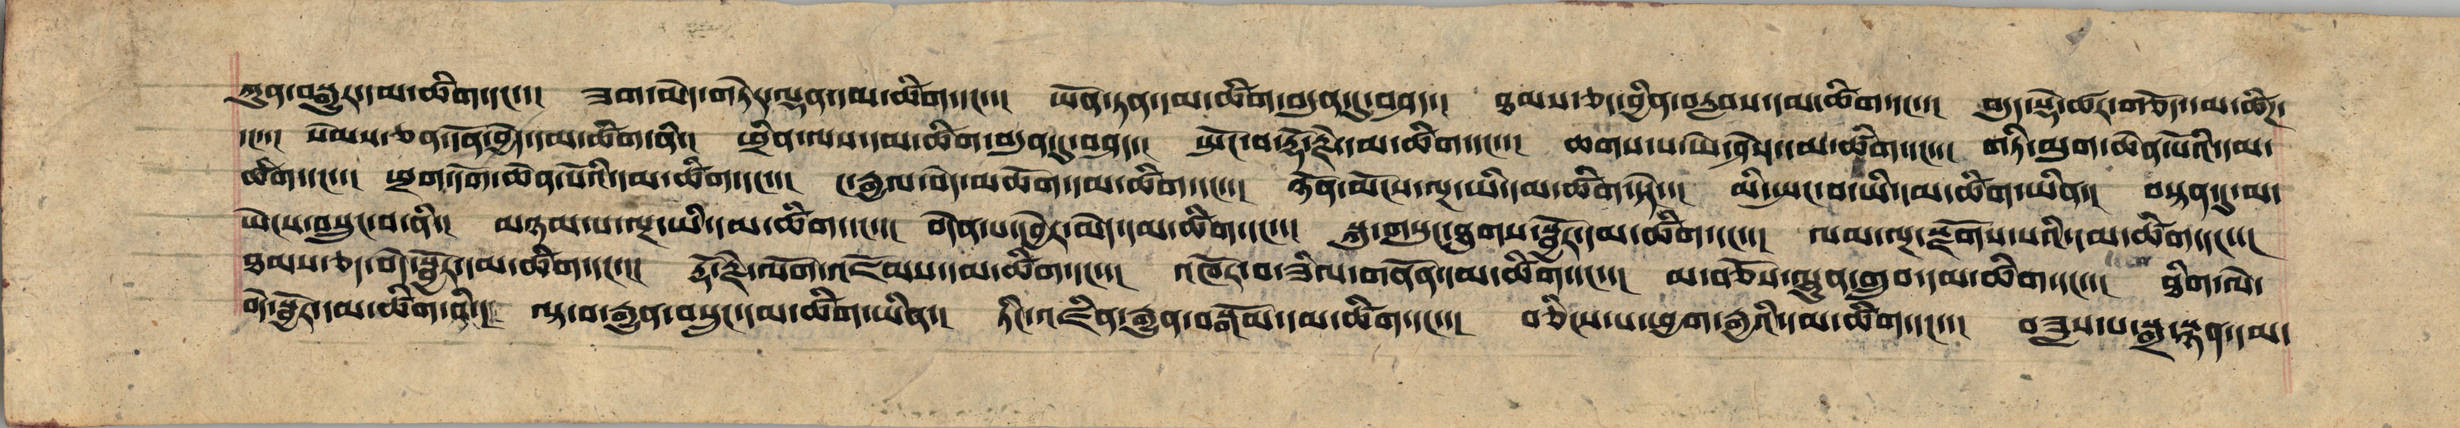ཀུན་བསྒྱུར་དམ་ཚིག་དང་་། ཟག་མེད་གཏེར་ལྡན་དམ་ཚིག་དང་་། ཡོན་ཏན་དམ་ཚིག་བདུན་དུ་བཤད་། ཐམས་ཅད་བྱིན་བརླབས་དམ་ཚིག་དང་་། བདུད་སྡེ་ཚར་གཅོད་དམ་ཚིཌ་
དང་་། སེམས་ཅན་དོན་བྱེད་དམ་ཚིག་ནི་། ཕྲིན་ལས་དམ་ཚིག་བདུན་དུ་བཤད་། སྤོང་བ་རྡོ་རྗེ་དམ་ཚིག་དང་་། ཆགས་པ་ཡེ་ཤེས་དམ་ཚིག་དང་་། གཏི་མུག་ཆེན་པོའི་དམ་
ཚིག་དང་་། ཕྲག་དོག་ཆེན་པོའི་དམ་ཚིག་དང་་། ང་རྒྱལ་བདེ་མཆོག་དམ་ཚིག་དང་་། ཉོན་མོངས་ལྔ་ཡི་དམ་ཚིག་སྟེ་་། མི་སྤང་བ་ཡི་དམ་ཚིག་ཡིན་། བསྟན་དུ་མ་
ཡེངས་བསྲུང་བ་ནི་། མཉམ་པ་ལྔ་ཡི་དམ་ཚིག་དང་་། བདེན་པ་དབྱེར་མེད་དམ་ཚིག་དང་་། སྐུ་གསུང་ཐུགས་སྦྱོར་དམ་ཚིག་དང་་། ལམ་ལྔ་སྫོགས་པའི་དམ་ཚིག་དང་་།
ཐམས་ཅད་བདེ་སྦྱོར་དམ་ཚིག་དང་་། རྡོ་རྗེ་ལོག་འཇོམས་དམ་ཚིག་དང་་། འཁོར་བ་ཟིལ་གནོན་དམ་ཚིག་དང་་། མ་བཅོས་ལྷུན་གྲུབ་དམ་ཚིག་དང་་། ཐིག་ལེ་
བདེ་སྦྱོར་དམ་ཚིག་ནི་། ལྟ་བ་རྒྱུན་བསྲུང་དམ་ཚིག་ཡིན་། ཏིང་འཛིན་རྒྱུན་བསྒོམ་དམ་ཚིག་དང་་། བཅིངས་པ་ཕྱག་རྒྱའི་དམ་ཚིག་དང་་། བཟླས་པ་སྒྲ་སྙན་དམ་